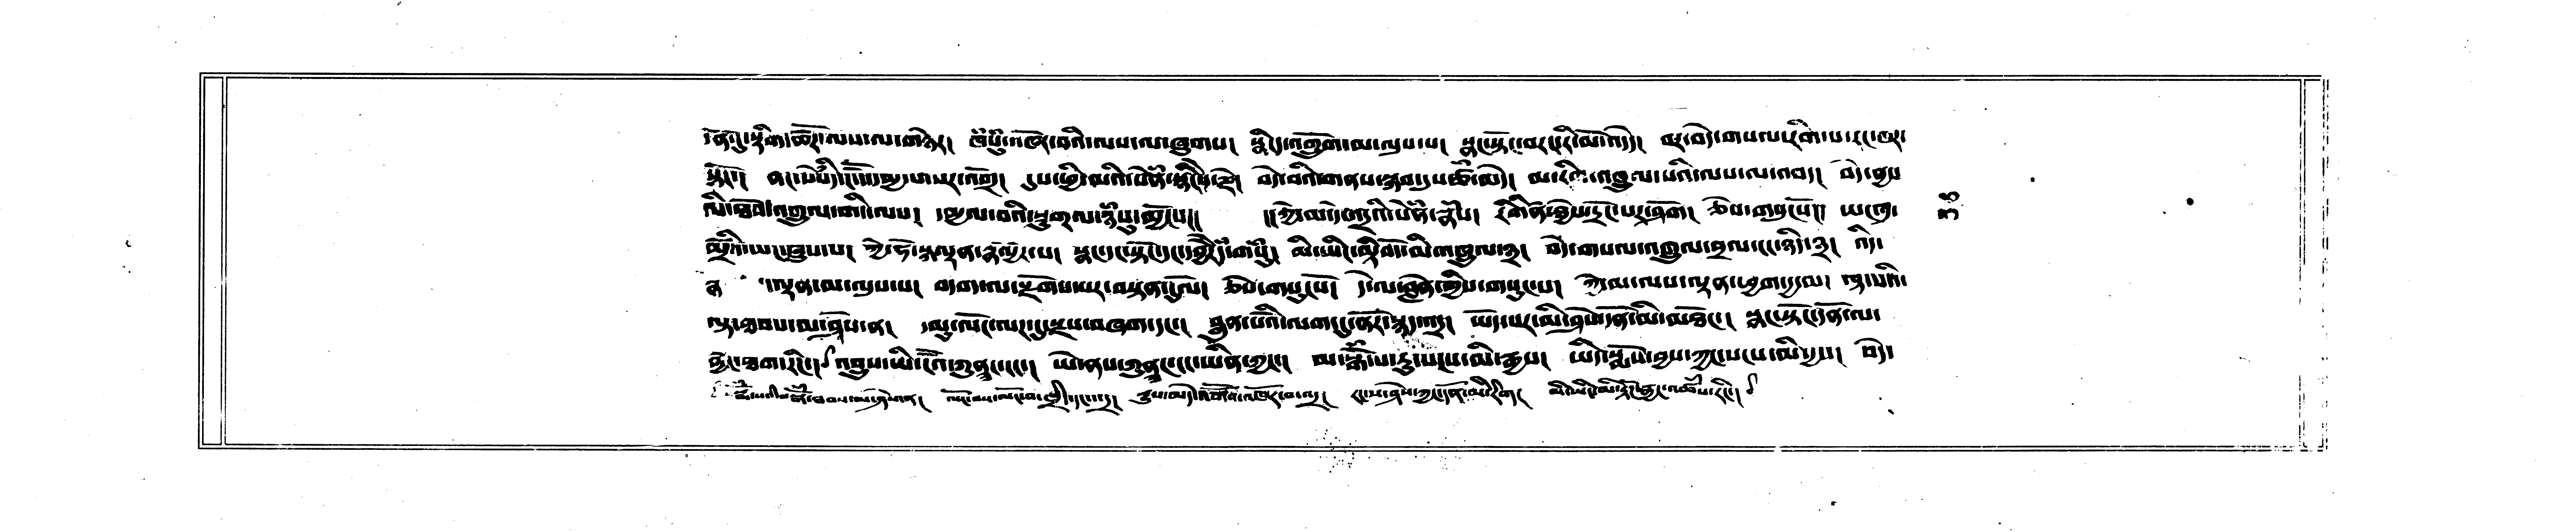དོན་དུ་སྡིག་ཚོགས་ལས་ལ་གཉེར། ཁམས་གསུམ་འཁོར་བའི་ལས་ལ་ཞུགས། སྣང་སྲིད་འགྲོ་དྲུག་མ་ལུས་པ། སྣང་སྟོང་བར་སྣང་རི་མོ་འདེད། བར་བདེ་གསལ་རིག་པ་རང་ཁར་
སྟོང་། ནང་སེམས་ཉིད་ངོ་བོ་དམྱལ་བར་འགྲོ། དུས་ཕྱི་མའི་སེམས་ཅན་སྙིང་རེ་རྗེ། བདེ་བའི་གནས་སྐབས་དུས་ཙམ་མེད། མ་རིག་འཁྲུལ་པའི་ལས་ལ་འབད། བདེ་གནས་
མི་ཐོབ་འཁྲུལ་པའི་ལས། དམྱལ་བའ་སྡུག་བསྔལ་ཉམས་སུ་མྱོང་། །ཀྱེ་མ་དེ་འདྲའི་སེམས་ཅན་རྣམས། རིག་འཛིན་ཐུགས་རྗེས་འདྲོངས་པར་ཤོག ཅེས་གསུངས་སོ། །ཡང་གཅིག་
མཁའ་འགྲོས་ཡང་ཞུས་པ། ཀྱེ་ཧོ་སྐལ་ལྡན་རྣལ་འབྱོར་པ། སྣང་དང་སྟོང་དང་དབྱེར་མེད་གསུམ། མི་ཡེངས་མི་རྟོག་མི་འཁྲུལ་གསུམ། བདེ་གསལ་འཁྲུལ་བྲལ་ངང་ཉིད་གསུམ། འདི་
༼༽ལྡན་མ་ལུས་པ། བདག་ལ་རྫོགས་པར་བསྟན་དུ་གསོལ། ཅེས་གསུངས་སོ། །དེ་ལ་བླ་ཆེན་གྱིས་གསུངས་པ། ཀྱེ་མ་ལས་ལྡན་ཕྱག་རྒྱ་ལ། ལྟ་བའི་
ལྟ་ཐབས་མ་ཤེས་ན། དམུ་ལོང་ལག་ཏུ་རྫས་བཞག་དང་། བླུན་པོའི་ལག་ཏུ་ནོར་རྙེད་འདྲ། ཡོད་པར་མི་ཤེས་དོན་མི་མཐོང་། སྣང་སྟོང་དོན་ལ་
རྒྱང་ཐག་རིང་། སྒོམ་པའི་སྒོམ་ཐབས་མ་ཤེས་ན། ལོང་བས་ལོང་བ་ཁྲིད་དང་འདྲ། རྒྱུས་མེད་འགོ་བོ་འཁོར་བ་འདྲ། རང་ས་ཤེས་ཀྱང་དོན་མི་རིག མི་ཡེངས་མི་རྟོག་རྒྱང་མཚམས་རིང་། 
འབྲས་བུ་ཡི་ངོ་བོ་ཀུན་བཟང་ངང་། ཡེ་ནས་ཀུན་བཟང་ངང་ཡིན་ཀྱང་། མ་བསྒོམ་པ་རུ་སངས་མི་རྒྱས། ཡིད་སྨོན་བྱས་ཀྱང་སངས་མི་རྒྱས། བདེ་